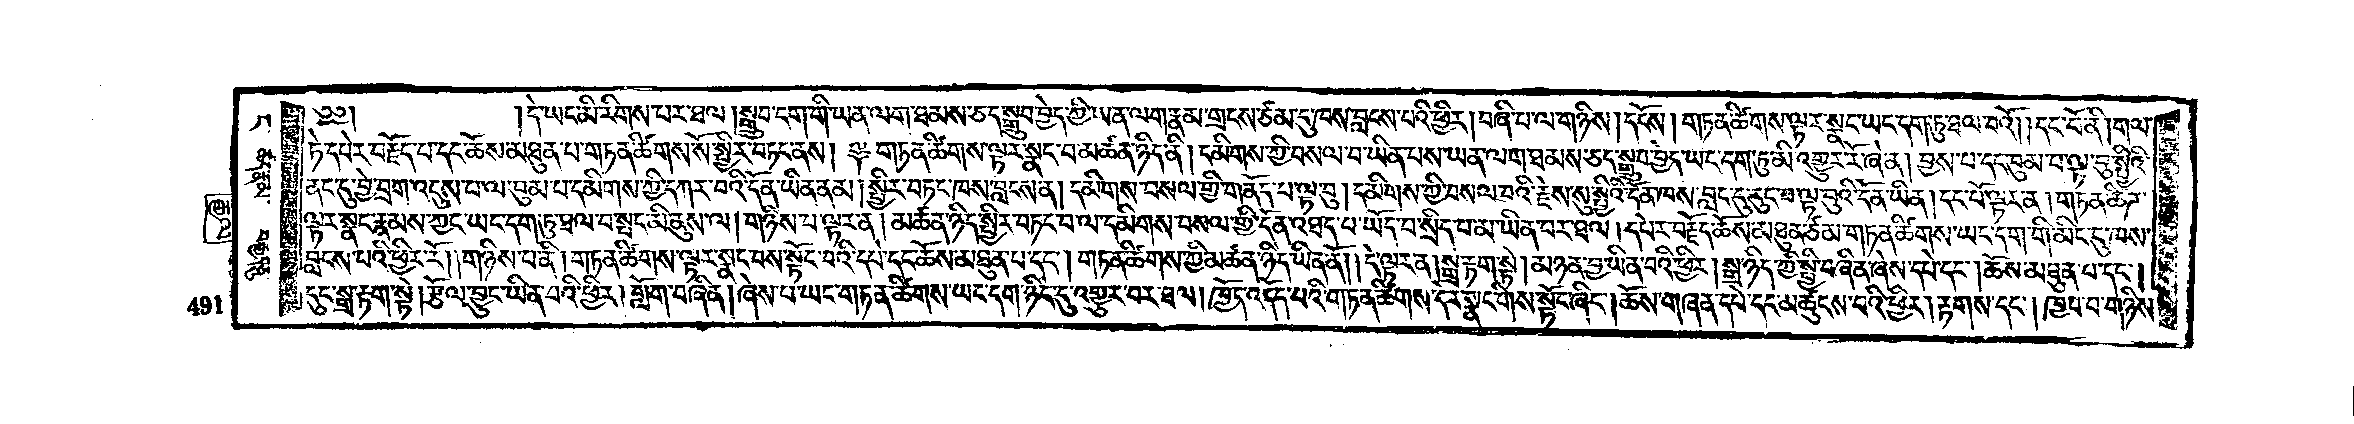༄༅། །དེ་ཡང་མི་རིགས་པར་ཐལ། སྒྲུབ་ངག་གི་ཡན་ལག་ཐམས་ཅད་སྒྲུབ་བྱེད་ཀྱི་ཡན་ལག་རྣམ་གྲངས་ཙམ་དུ་ཁས་བླངས་པའི་ཕྱིར། བཞི་པ་ལ་གཉིས། དངོས། གཏན་ཚིགས་ལྟར་སྣང་ཡང་དག་ཏུ་ཐལ་བའོ། །དང་པོ་ནི། གལ་
ཏེ་དཔེར་བརྗོད་པ་དང་ཆོས་མཐུན་པ་གཏན་ཚིགས་སོ་སྤྱིར་བཏང་ནས། ༈ །གཏན་ཚིགས་ལྟར་སྣང་བ་མཚན་ཉིད་ནི། དམིགས་ཀྱི་བསལ་བ་ཡིན་པས་ཡན་ལག་ཐམས་ཅད་སྒྲུབ་བྱེད་ཡང་དག་ཏུ་མི་འགྱུར་རོ་ཞེ་ན། བྱས་པ་དང་བུམ་པ་ལྟ་བུ་སྤྱིའི་
ནང་དུ་བྱེ་བྲག་འདུས་པ་ལ་བུམ་པ་དམིགས་ཀྱི་དཀར་བའི་དོན་ཡིན་ནམ། སྤྱིར་བཏང་ཁས་བླངས་ན། དམིགས་བསལ་གྱི་གནོད་པ་ལྟར་བུ། །དམིགས་ཀྱི་བསལ་བའི་རྗེས་སུ་སྤྱིའི་དོན་ཁས་བླང་དུ་རུང་བ་ལྟ་བུའི་དོན་ཡིན། དང་པོ་ལྟར་ན། གཏན་ཚིགས་
ལྟར་སྣང་རྣམས་ཀྱང་ཡང་དག་ཏུ་ལྟར་བ་སྤང་མིན་ནུས་ལ། །གཉིས་པ་ལྟར་ན། མཚན་ཉིད་སྤྱིར་བཏང་བ་ལ་དམིགས་གསལ་གྱི་དོན་འཐད་པ་ཡོད་པ་སྲིད་པ་མ་ཡིན་པར་ཐལ། དཔེར་བརྗོད་ཆོས་མཐུན་ཙམ་གཏན་ཚིགས་ཡང་དག་གི་མིང་དུ་ཁས་
བླངས་པའི་ཕྱིར་རོ། །གཉིས་པ་ནི། གཏན་ཚིགས་ལྟར་སང་བས་སྟོང་པའི་དཔེ་དང་ཆོས་མཐུན་པ་དང་། གཏན་ཚིགས་ཀྱི་མཚན་ཉིད་ཡིན་ནོ། །དེ་ལྟར་ན། སྒྲ་རྟག་སྟེ། མཉན་བྱ་ཡིན་པའི་ཕྱིར། སྒྲ་ཉིད་ཀྱིས་སྤྱི་བཞིན་ཞེས་དཔེ་དང་། ཆོས་མཐུན་པ་དང་།
དུང་སྒྲ་རྟག་སྟེ། རྩོལ་བྱུང་ཡིན་པའི་ཕྱིར། གློག་བཞིན། ཞེས་པ་ཡང་གཏན་ཚིགས་ཡང་དག་ཉིད་དུ་འགྱུར་བར་ཐལ། ཁྱོད་འདོད་པའི་གཏན་ཚིགས་དེར་སྣང་གིས་སྟོང་ཞིང་། ཆོས་གཞན་དཔེ་དང་མཚུངས་པའི་ཕྱིར། རྟགས་དང་། ཁྱབ་པ་གཉིས་